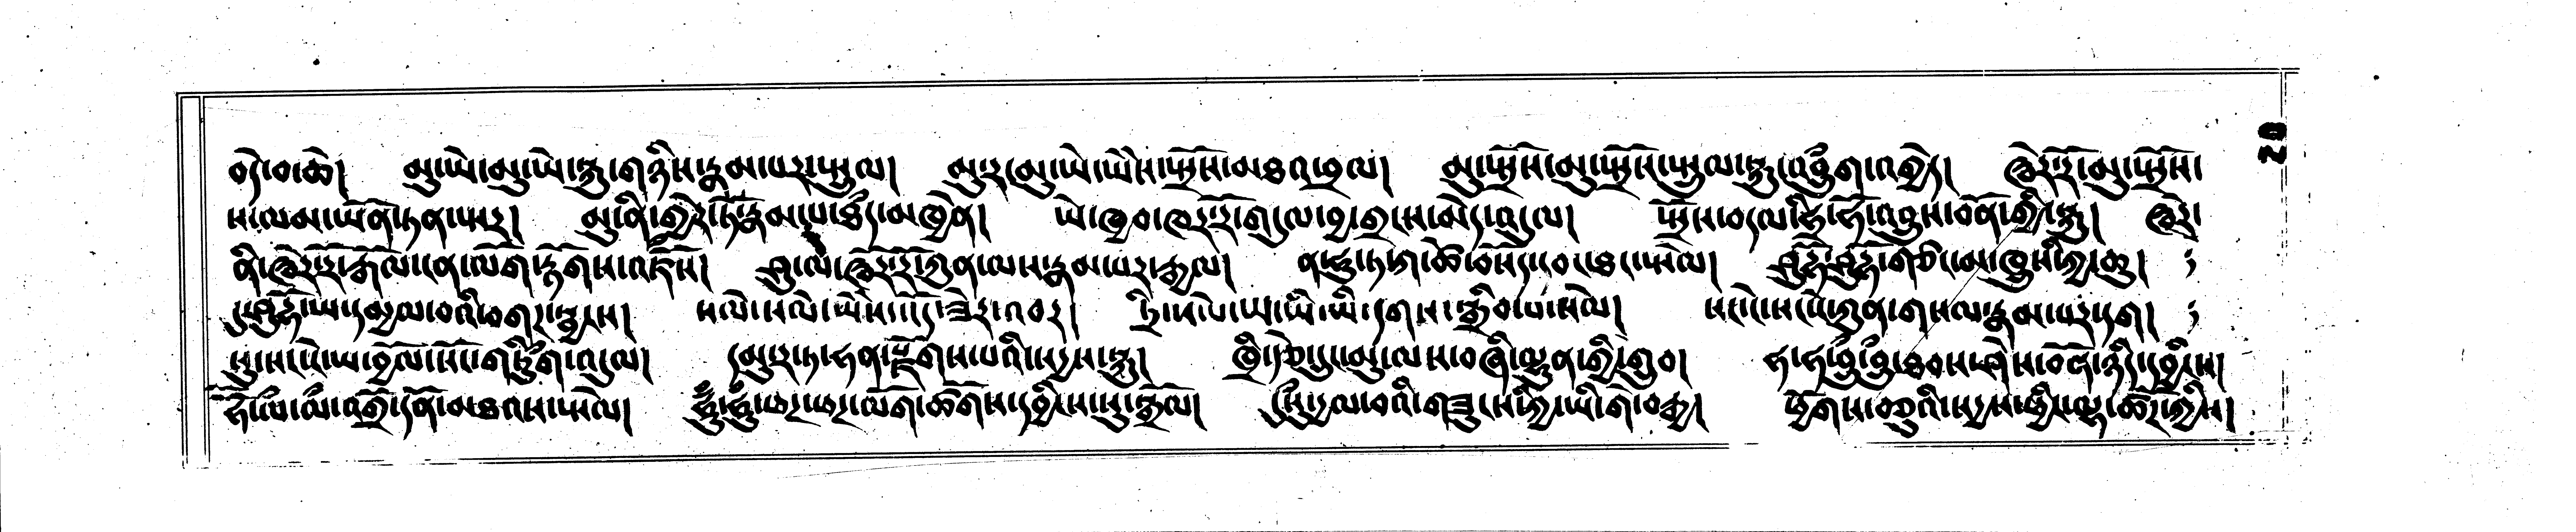བདེ་བ་ཆེ། །མུ་ཡེ་མུ་ཡེ་སྐུ་གཉིས་རྣམ་པར་སྤྲུལ། །ཧ་ར་མུ་ཡེ་ཡེ་ཤེས་སྤྲོས་མཐའ་བྲལ། །མུ་སྤྲོས་མུ་སྤྲོས་སྤྲུལ་སྐུ་འབུམ་ཕྲག་འགྱེད། །ཝེར་རོ་མུ་སྤྲོས་
ས་ལམ་ཡོན་ཏན་སྤར། །མུ་ནི་གྱེར་ཏོ་རྣམ་པ་ཐམས་ཅད་མཁྱེན། །ཡེ་ཁྱབ་ཁར་རོ་གདུལ་བྱ་གྲངས་མེད་འདུལ། ། སྤྲོས་བདལ་ཧྲི་ཧོ་འབྲས་བུ་བོན་གྱི་སྐུ། །ཝེར་
ནི་ཝེར་རོ་རྒོལ་ངན་ལོག་རྟོག་འཇོམས། །ཤུ་ལ་ཝེར་རོ་ཀུན་ལས་རྣམ་པར་རྒྱལ། །ན་ཧུ་ཏ་ཀ་ཚེ་བསོད་དབང་ཐང་འཕེལ། །ཤུདྷོ་ཤུདྷོ་གཙང་མ་ཁྲུས་ཀྱི་ཆུ། །
དུ་ཤུདྷོ་ཡ་དམྱལ་བའི་བག་ཆགས་སྦྱངས། །སལེ་སལེ་ཡེ་ཤེས་འོད་ཟེར་འབར། །ཏྲི་སལེ་ཡ་ཡི་ཡི་དྭགས་སྒྲིབ་པ་སེལ། །སང་ངེ་སང་ངེ་ཀུན་གསལ་རྣམ་པར་དག །
སུ་སང་ངེ་ཡ་བྱོལ་སོང་གཏི་མུག་འདུལ། །དམུ་ར་ཏ་ཧན་རྫོགས་པའི་སངས་རྒྱས་སྐུ། །ཁྲི་རྩེ་དྲུང་མུ་ལས་བཞི་ལྷུན་གྱིས་གྲུབ། །ཧ་ཧ་བྲུཾ་བྲུཾ་ཐབས་ཤེས་བོན་ཉིད་དབྱིངས། །
ཧོ་ཧོ་ལམ་ལམ་འགྲོ་དོན་མཐའ་ཡས་སྤེལ། །ཧཱུཾ་ཧཱུཾ་ཕཊ་ཕཊ་ལོག་ཚོགས་དབྱིངས་སུ་སྒྲོལ། །དུས་གསུམ་རྒྱལ་བའི་གཟུངས་ཀྱི་ཡི་གེ་བརྒྱ། །ཕྱོགས་བཅུའི་སངས་རྒྱས་ཕྱི་ནང་ལྷ་ཚོགས་ཀྱིས། །